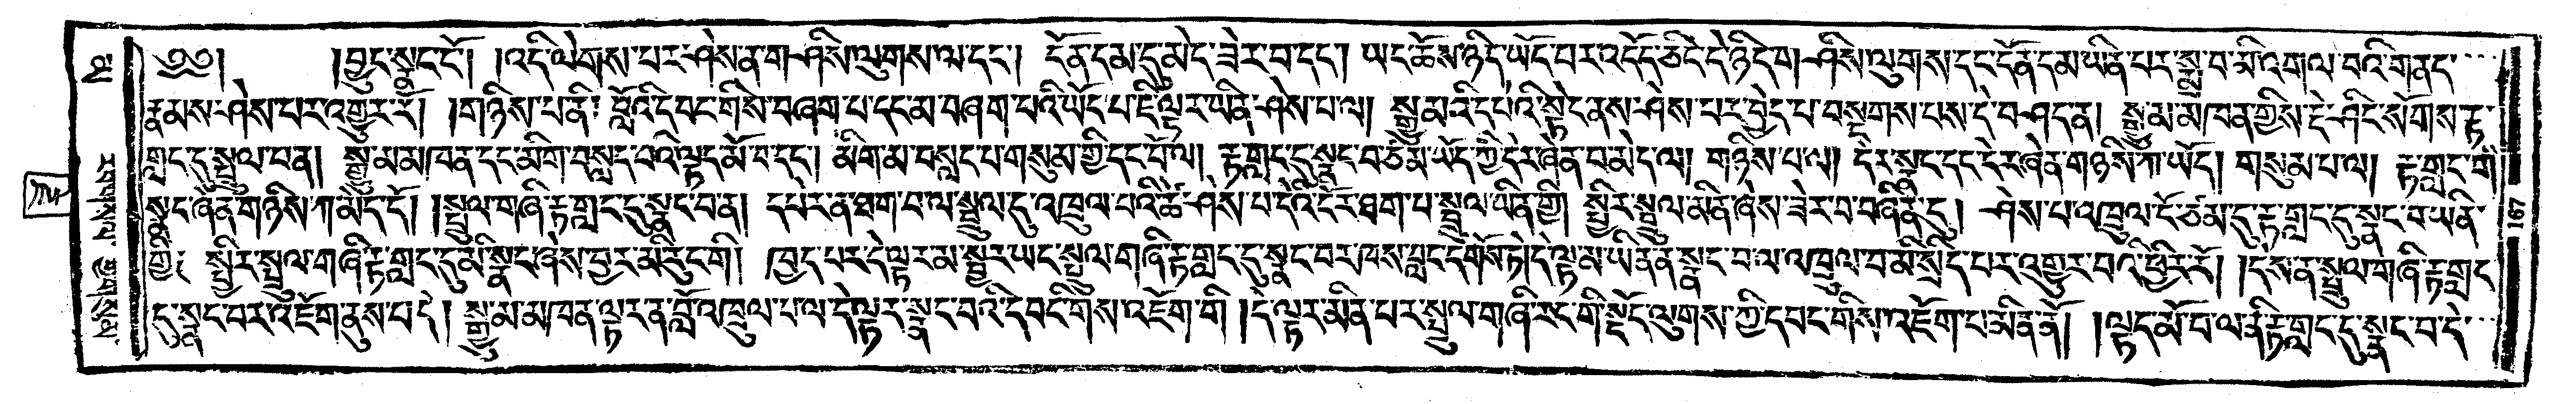༄༅། །བྱུང་སྣང་ངོ། །འདི་ལེགས་པར་ཤེས་ན་གཤིས་ལུགས་ལ་དང་། དོན་དམ་དུ་མེད་ཟེར་བ་དང་། ཡང་ཆོས་ཉིད་ཡོད་པར་འདོད་ཅིང་དེ་ཉིད་གཤིས་ལུགས་དང་དོན་དམ་ཡིན་པར་སྨྲ་བ་མི་འགལ་བའི་གནད་
རྣམས་ཤེས་པར་འགྱུར་རོ། །གཉིས་པ་ནི། བློའི་དབང་གིས་བཞག་པ་དང་མ་བཞག་པའི་ཡོད་པ་ཇི་ལྟར་ཡིན་ཤེས་པ་ལ། སྒྱུ་མའི་དཔེའི་སྟེང་ནས་ཤེས་པར་བྱེད་པ་བསྔགས་པས་དེ་བཤད་ན། སྒྱུ་མ་མཁན་གྱིས་རྡེ་ཤིང་སོགས་རྟ་
གླང་དུ་སྤྲུལ་པ་ན། སྒྱུ་མ་མཁན་དང་མིག་བསླད་པའི་ལྟད་མོ་བ་དང་། མིག་མ་བསླད་པ་གསུམ་གྱི་དང་པོ་ལ། རྟ་གླང་དུ་སྣང་བ་ཙམ་ཡོད་ཀྱི་དེར་ཞེན་པ་མེད་ལ། གཉིས་པ་ལ། དེར་སྣང་དང་དེར་ཞེན་གཉིས་ཀ་ཡོད། གསུམ་པ་ལ། རྟ་གླང་གི་
སྣང་ཞེན་གཉིས་ཀ་མེད་དོ། །སྤྲུལ་གཞི་རྟ་གླང་དུ་སྣང་བ་ན། དཔེར་ན་ཐག་པ་ལ་སྤྲུལ་དུ་འཁྲུལ་པའི་ཚེ་ཤེས་པ་དེའི་ངོར་ཐག་པ་སྦྲུལ་ཡིན་གྱི། སྤྱིར་སྦྲུལ་མིན་ཞེས་ཟེར་བ་བཞིན་དུ། ཤེས་པ་འཁྲུལ་ངོ་ཙམ་དུ་རྟ་གླང་དུ་སྣང་བ་ཡིན་
གྱི༑ སྤྱིར་སྤྲུལ་གཞི་རྟ་གླང་དུ་མི་སྣང་ཞེས་བྱར་མི་རུང་གི །ཁྱད་པར་དེ་ལྟར་མ་སྦྱར་ཡང་སྤྲུལ་གཞི་རྟ་གླང་དུ་སྣང་བར་ཁས་བླང་དགོས་ཏེ། དེ་ལྟ་མ་ཡིན་ན་སྣང་བ་ལ་འཁྲུལ་བ་མི་སྲིད་པར་འགྱུར་བའི་ཕྱིར་རོ། །དེས་ན་སྤྲུལ་གཞི་རྟ་གླང་
དུ་སྣང་བར་འཇོག་ནུས་པ་དེ། །སྒྱུ་མ་མཁན་ལྟར་ན་བློ་འཁྲུལ་པ་ལ་དེ་ལྟར་སྣང་བའི་དབང་གིས་འཇོག་གི །དེ་ལྟར་མིན་པར་སྤྲུལ་གཞི་རང་གི་སྡོད་ལུགས་ཀྱི་དབང་གིས་འཇོག་པ་མིན་ནོ། །ལྟད་མོ་བ་ལ་ནི་རྟ་གླང་དུ་སྣང་བ་དེ་